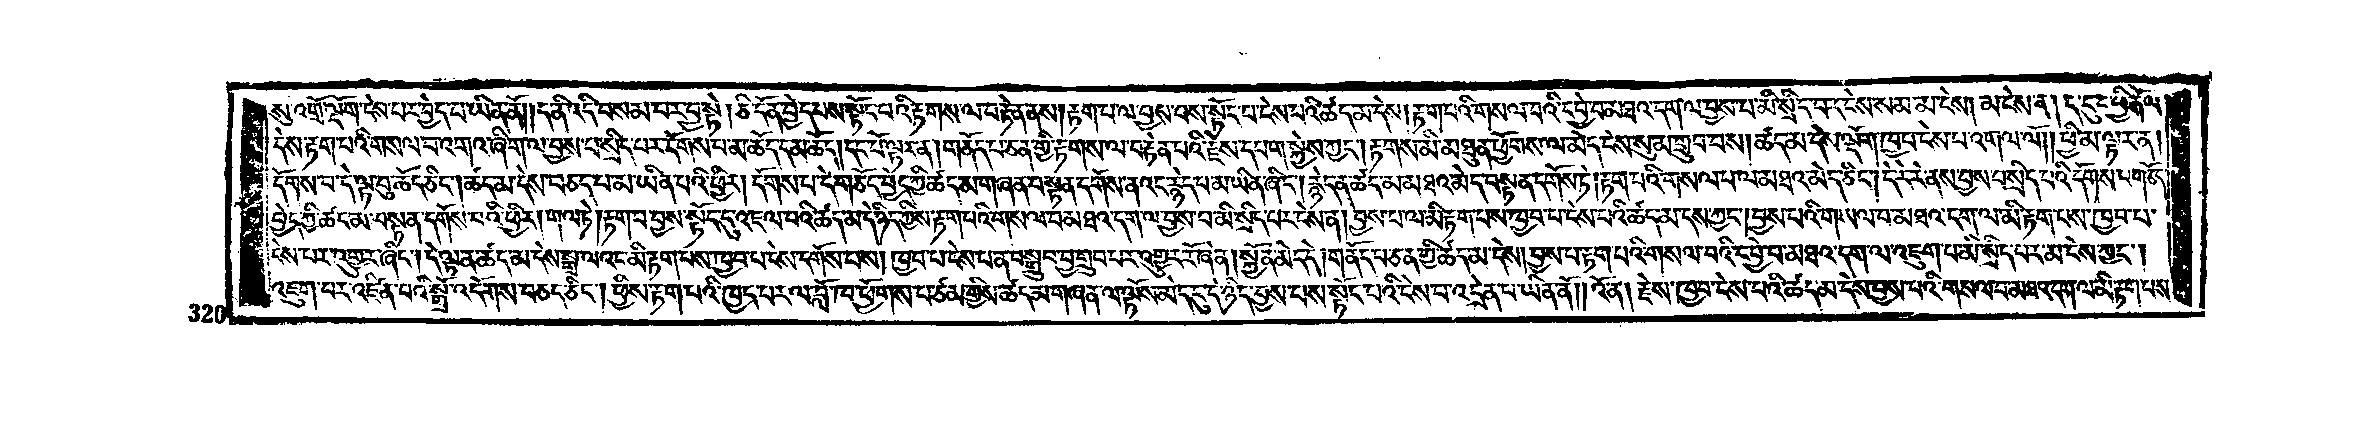སུ་འགྲོ་ལྡོག་ངེས་པར་བྱེད་པ་ཡིན་ནོ། །དེ་ནི་འདི་བསམ་པར་བྱ་སྟེ། ཅི་དོན་བྱེད་པས་སྟོང་པའི་རྟགས་ལ་བརྟེན་ནས། རྟག་པ་ལ་བྱས་པས་སྟོང་པ་ངེས་པའི་ཚད་མ་དེས། རྟག་པའི་གསལ་བའི་དབྱེ་བ་མཐའ་དག་ལ་བྱས་པ་མི་སྲིད་པར་ངེས་སམ་མ་ངེས། མ་ངེས་ན། ད་དུང་ཕྱི་རྒོལ་
དེས་རྟག་པའི་གསལ་བ་འགའ་ཞིག་ལ་བྱས་པ་སྲིད་པར་དོགས་པ་མ་ཆོད་དམ་ཆོད། དང་པོ་ལྟར་ན། གནོད་པ་ཅན་གྱི་རྟགས་ལ་བརྟེན་པའི་རྗེས་དཔག་སྐྱེས་ཀྱང་། རྟགས་མི་མཐུན་ཕྱོགས་ལ་མེད་ངེས་སུ་མ་གྲུབ་པས། ཚད་མ་དེས་ལྡོག་ཁྱབ་ངེས་པ་འགལ་ལོ། །ཕྱི་མ་ལྟར་ན།
དོགས་པ་དེ་ལྟ་བུ་ཆོད་ཅིང་། ཚད་མ་དེས་བཅད་པ་མ་ཡིན་པའི་ཕྱིར། དོགས་པ་དེ་གཅོད་བྱེད་ཀྱི་ཚད་མ་གཞན་བསྟན་དགོས་ནའང་རྙེད་པ་མ་ཡིན་ཞིང་། རྙེད་ན་ཚད་མ་མཐའ་མེད་བསྟན་དགོས་ཏེ། རྟག་པའི་གསལ་བ་ལ་མཐའ་མེད་ཅིང་། དེ་རེ་རེ་ནས་བྱས་པ་སྲིད་པའི་དོགས་པ་གཅོད་
བྱེད་ཀྱི་ཚད་མ་བསྟན་དགོས་པའི་ཕྱིར། གལ་ཏེ། རྟག་པ་བྱས་སྟོང་དུ་འཇལ་བའི་ཚད་མ་དེ་ཉིད་ཀྱིས་རྟག་པའི་གསལ་བ་མཐའ་དག་ལ་བྱས་པ་མི་སྲིད་པར་ངེས་ན། བྱས་པ་ལ་མི་རྟག་པས་ཁྱབ་པ་ངེས་པའི་ཚད་མ་ངེས་ཀྱང་། བྱས་པའི་གསལ་བ་མཐའ་དག་ལ་མི་རྟག་པས་ཁྱབ་པ་
ངེས་པར་འགྱུར་ཞིང་། དེ་ལྟ་ན་ཚད་མ་དེས་སྒྲ་ལའང་མི་རྟག་པས་ཁྱབ་པ་ངེས་དགོས་པས། ཁྱབ་པ་ངེས་པ་ན་བསྒྲུབ་བྱ་གྲུབ་པར་འགྱུར་རོ་ཞེ་ན། སྐྱོན་མེད་དེ། གནོད་པ་ཅན་གྱི་ཚད་མ་དེས། བྱས་པ་རྟག་པའི་གསལ་བའི་དབྱེ་བ་མཐའ་དག་ལ་འཇུག་པ་མི་སྲིད་པར་མ་ངེས་ཀྱང་།
འཇུག་པར་འཛིན་པའི་སྒྲོ་འདོགས་བཅད་ཅིང་། ཕྱིས་རྟག་པའི་ཁྱད་པར་ལ་བློ་ཁ་ཕྱོགས་པ་ཙམ་གྱིས་ཚད་མ་གཞན་ལ་ལྟོས་མེད་དུ་དེ་ཉིད་བྱས་པས་སྟོང་པའི་ངེས་པ་འདྲེན་པ་ཡིན་ནོ། །འོ་ན། རྗེས་ཁྱབ་ངེས་པའི་ཚད་མ་དེས་བྱས་པའི་གསལ་བ་མཐའ་དག་ལ་མི་རྟག་པས་